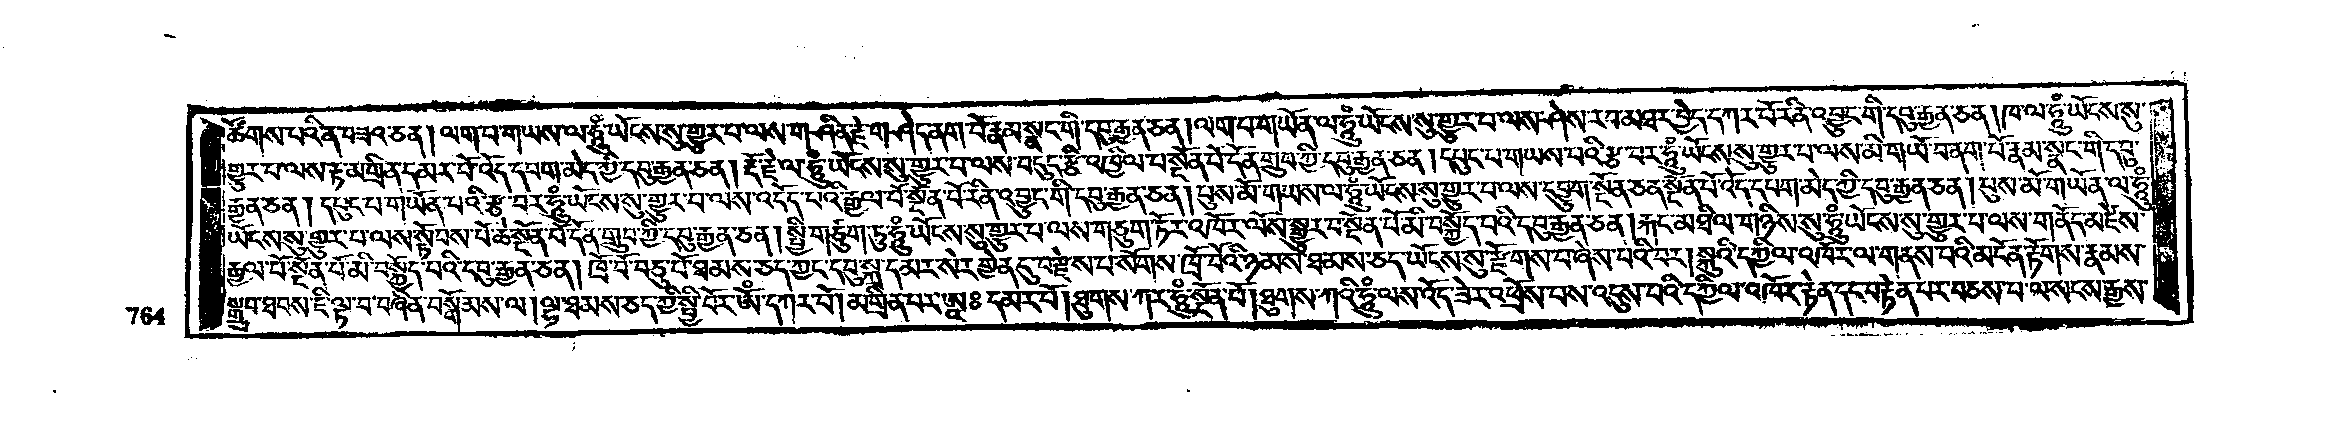ཚོགས་པའི་ན་བཟའ་ཅན། ལག་པ་གཡས་ལ་ཧཱུཾ་ཡོངས་སུ་གྱུར་པ་ལས་གཤིན་རྗེ་གཤེད་ནག་པོ་རྣམ་སྣང་གི་དབུ་རྒྱན་ཅན། ལག་པ་གཡོན་ལ་ཧཱུཾ་ཡོངས་སུ་གྱུར་པ་ལས་ཤེས་རབ་མཐར་བྱེད་དཀར་པོ་རིམ་འབྱུང་གི་དབུ་རྒྱན་ཅན། ཁ་ལ་ཧཱུཾ་ཡོངས་སུ་
གྱུར་པ་ལས་རྟ་མགྲིན་དམར་པོ་འོད་དཔག་མེད་ཀྱི་དབུ་རྒྱན་ཅན། རྡོ་རྗེ་ལ་ཧཱུཾ་ཡོངས་སུ་གྱུར་པ་ལས་བདུད་རྩི་འཁྱིལ་པ་སྔོན་པོ་དོན་གྲུབ་ཀྱི་དབུ་རྒྱན་ཅན། དཔུང་པ་གཡས་པའི་རྩ་བར་ཧཱུཾ་ཡོངས་སུ་གྱུར་པ་ལས་མི་གཡོ་བ་ནག་པོ་རྣམ་སྣང་གི་དབུ་
རྒྱན་ཅན། དཔུང་པ་གཡོན་པའི་རྩ་བར་ཧཱུཾ་ཡོངས་སུ་གྱུར་པ་ལས་འདོད་པའི་རྒྱལ་པོ་སྔོན་པོ་རིན་འབྱུང་གི་དབུ་རྒྱན་ཅན། པུས་མེ་གཡས་ལ་ཧཱུཾ་ཡོངས་སུ་གྱུར་པ་ལས་དབྱུག་སྔོན་ཅན་སྔོན་པོ་འོད་དཔག་མེད་ཀྱི་དབུ་རྒྱན་ཅན། པུས་མོ་གཡོན་ལ་ཧཱུཾ་
ཡོངས་སུ་གྱུར་པ་ལས་སྟོབས་པོ་ཆེ་སྔོན་པོ་དོན་གྲུབ་ཀྱི་དབུ་རྒྱན་ཅན། སྤྱི་གཙུག་ཏུ་ཧཱུཾ་ཡོངས་སུ་གྱུར་པ་ལས་གཙུག་ཏོར་འཁོར་ལོས་སྒྱུར་བ་སྔོན་པོ་མི་བསྐྱོད་པའི་དབུ་རྒྱན་ཅན། རྐང་མཐིལ་གཉིས་སུ་ཧཱུཾ་ཡོངས་སུ་གྱུར་པ་ལས་གནོད་མཛེས་
རྒྱལ་པོ་སྔོན་པོ་མི་བསྐྱོད་པའི་དབུ་རྒྱན་ཅན། ཁྲོ་བོ་བཅུ་པོ་ཐམས་ཅད་ཀྱང་དབུ་སྐྲ་དམར་སེར་གྱེན་དུ་བརྫེས་པ་སོགས་ཁྲོ་བོའི་ཉམས་ཐམས་ཅད་ཡོངས་སུ་རྫོགས་པ་ཞེས་པའི་བར། སྐུའི་དཀྱིལ་འཁོར་ལ་གནས་པའི་མངོན་རྟོགས་རྣམས་
སྒྲུབ་ཐབས་ཇི་ལྟ་བ་བཞིན་བསྒོམས་ལ། ལྷ་ཐམས་ཅད་ཀྱི་སྤྱི་བོར་ཨོཾ་དཀར་པོ། མགྲིན་པར་ཨཱཿ དམར་པོ། ཐུགས་ཀར་ཧཱུཾ་སྔོན་པོ། ཐུགས་ཀའི་ཧཱུཾ་ལས་འོད་ཟེར་འཕྲོས་པས་འདུས་པའི་དཀྱིལ་འཁོར་རྟེན་དང་བརྟེན་པར་བཅས་པ་ལ་སངས་རྒྱས་